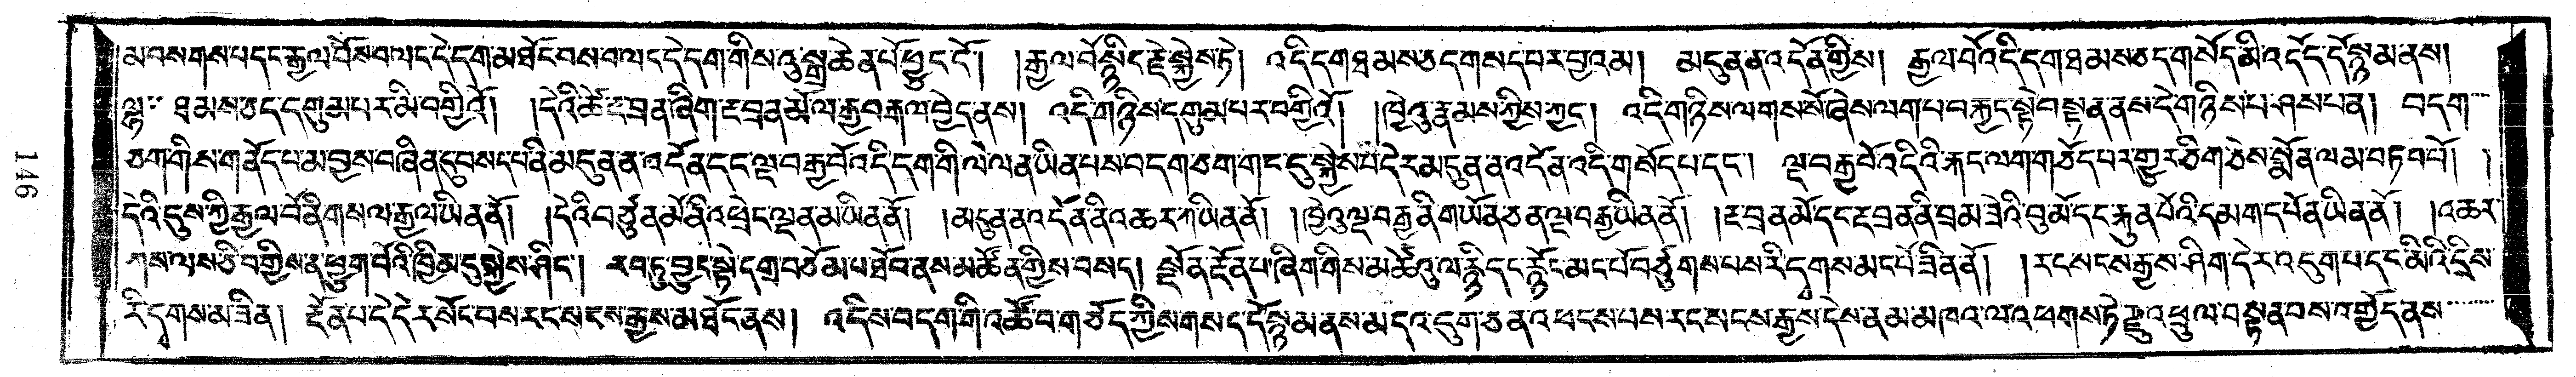མ་བསགས་པ་དང་རྒྱལ་བོས་བ་ལང་དེ་དག་མཐོང་བས་བ་ལང་དེ་དག་གིས་འུ་སྒྲ་ཆེན་པོ་ཕྱུང་ངོ། །རྒྱལ་བོ་སྙིང་རྗེ་སྐྱེས་ཏེ། འདི་དག་ཐམས་ཅད་གསད་བར་བྱའམ། མདུན་ན་འདོན་གྱིས། རྒྱལ་བོ་འདི་དག་ཐམས་ཅད་གསོད་མི་འདོད་དོ་སྙམ་ནས།
ལྷ༑ ཐམས་ཅད་དགུམ་པར་མི་བགྱིའོ། །དེའི་ཚེ་རྔ་བྲན་ཞིག་རྔ་བྲན་མོ་ལ་རྒྱ་བརྒལ་བྱེད་ནས། འདི་གཉིས་དགུམ་པར་བགྱིའོ། །ཁྱེའུ་རྣམས་ཀྱིས་ཀྱང་། འདི་གཉིས་ལགས་སོ་ཞེས་ལག་པ་བརྐྱང་སྟེ་བསྟན་ནས་དེ་གཉིས་པ་ཤས་པ་ན། བདག་
ཅག་གིས་གནོད་པ་མ་བྱས་བཞིན་དུ་བསད་པ་ནི་མདུན་ན་འདོན་དང་ལྔ་བརྒྱ་བོ་འདི་དག་གི་ལེ་ལན་ཡིན་པས་བདག་ཅག་གང་དུ་སྐྱེས་པ་དེར་མདུན་ན་འདོན་འདི་གསོད་པ་དང་། ལྔ་བརྒྱ་པོ་འདིའི་རྐང་ལག་གཅོད་པར་གྱུར་ཅིག་ཅེས་སྨོན་ལམ་བཏབ་པོ། །
དེའི་དུས་ཀྱི་རྒྱལ་བོ་ནི་གསལ་རྒྱལ་ཡིན་ནོ། །དེའི་བཙུན་མོ་ནི་འཕྲེང་ལྡན་མ་ཡིན་ནོ། །མདུན་ན་འདོན་ནི་འཆར་ཀ་ཡིན་ནོ། །ཁྱེའུ་ལྔ་བརྒྱ་ནི་གཡོན་ཅན་ལྔ་བརྒྱ་ཡིན་ནོ། །རྔ་བྲན་མོ་དང་རྔ་བྲན་ནི་བྲམ་ཟེའི་བུ་མོ་དང་རྐུན་པོའི་དམག་དཔོན་ཡིན་ནོ། །འཆར་
ཀས་ལས་ཅི་བགྱིས་ན་ཕྱུག་བོའི་ཁྱིམ་དུ་སྐྱེས་ཤིང་། རབ་ཏུ་བྱུང་སྟེ་དགྲ་བཅོམ་པ་ཐོབ་ནས་མཚོན་གྱིས་བསད། སྔོན་རྔོན་པ་ཞིག་གིས་མཚེའུ་ལ་རྙི་དང་རྙོང་མང་པོ་བཙུགས་པས་རི་དྭགས་མང་པོ་ཟིན་ནོ། །རང་སངས་རྒྱས་ཤིག་དེར་འདུག་པ་དང་མིའི་དྲིས་
རི་དྭགས་མ་ཟིན། རྔོན་པ་དེ་དེར་སོང་བས་རང་སངས་རྒྱས་མཐོང་ནས། འདིས་བདག་གི་འཚོ་བ་གཅོད་ཀྱིས་གསད་དོ་སྙམ་ནས་མདའ་དུག་ཅན་འཕངས་པས་རང་སངས་རྒྱས་དེས་ནམ་མཁའ་ལ་འཕགས་ཏེ་རྫུ་འཕྲུལ་བསྟན་བས་འགྱོད་ནས་